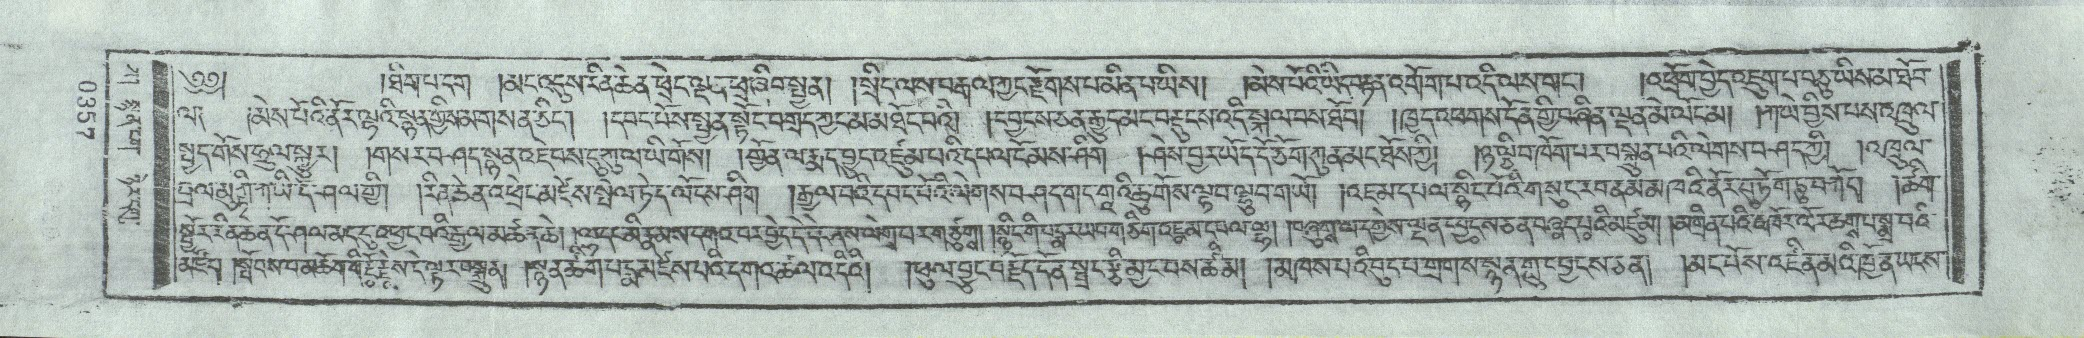༄༅། །ཐིག་པ་དག །མང་འདུས་རིན་ཆེན་ཕྲེང་ལྡན་ཕྲ་བཞི་སྤྱན། །སྲིད་ལས་བརྐལ་ཀྱང་རྫོགས་པ་མིན་པ་ཡིས། །མེས་པོའི་ཡིད་བརྟན་འགོག་པ་འདི་ལས་གང་། །འཕྲོག་བྱེད་འཇུག་བ་བཅུ་ཡིས་མ་ཐོབ་
ལ། །མེས་པོའི་ནོར་ལྷའི་སྙན་གྱིས་མགས་ན་ཅིང་། །དབང་པོས་སྤྱན་སྟོང་བགྲོད་ཀྱང་མ་མཐོང་བའི། །དབྱངས་ཅན་རྒྱུད་མང་བརྡུངས་འདི་སྐལ་བས་ཐོབ། །ཁྱབ་འཕགས་དོན་གྱི་བཞིན་ལྡན་མེ་ལོང་མ། །ཀ་ཡེ་བྱིས་པས་འཁྲུལ་
སྤྱད་གོས་ཧྲུལ་སྐྱུར། །གསར་བཤད་སྙན་འཇེབས་དུ་ཀུ་ཡི་གོས། །གྱོན་ལ་རྨ་བྱུང་འཛུམ་པའི་དཔལ་ངོམས་ཤིག །ཤེས་བྱར་ཡོད་དོ་ཅོག་ཀུན་མང་ཐོས་ཀྱི། །ཉ་ལྕི་བ་ཁོག་པར་བསྐྲུན་པའི་ལེགས་བཤད་ཀྱི། །འཁྲུལ་
བྲལ་བུཀྟི་ཀ་ཡི་དོ་ཤལ་གྱི། །རིན་ཆེན་འཕྲེང་མཛེས་སྤེལ་ཏེ་ད་ལོངས་ཤིག །རྒྱལ་བའི་དབང་པོའི་ལེགས་བཤད་གང་གཱའི་ཆུ་གོས་ལྷབ་ལྷུབ་གཡོ། །འཇམ་དཔལ་སྙིང་པོའི་གསུང་རབ་ནམ་མཁའི་ནོར་བུ་ཏོག་ཏུ་བཀོད། །ཚིག་
སྦྱོར་རིན་ཆེན་དོ་ཤལ་མང་དུ་འཕྱང་བའི་རྒྱལ་མཚན་ཆེ། །ལྷ་དང་མི་རྣམས་དགའ་བར་བྱེད་དེ་དེང་ནས་ལེགས་པར་གཙུགས། །སྙིང་གི་པདམ་ཡབ་གཅིག་འཇམ་དཔལ་ལྷ། །བཞུགས་ལ་དགྱེས་ལྡན་དབྱངས་ཅན་བཞད་པའི་མཛུམ། །མགྲིན་པའི་འཁོར་ལོར་ཆགས་པ་སྨྲ་བའི་
མཛོད། །སྤོབས་པ་མཆོག་གི་རྡོ་རྗེས་དེ་ལྟར་བསྐྲུན། །སྙན་ཚིག་པདམ་མཛེས་པའི་དགའ་ཚལ་འདིའི། །ཕུལ་བྱུང་བརྗོད་དོན་སྦྲང་རྩི་མྱང་བས་ཚིམ། །མཁས་པའི་བུད་པ་གྲངས་སྙན་གླུ་དབྱངས་ཅན། །མང་པོས་འཛིན་མའི་ཁྱོན་ཡངས་